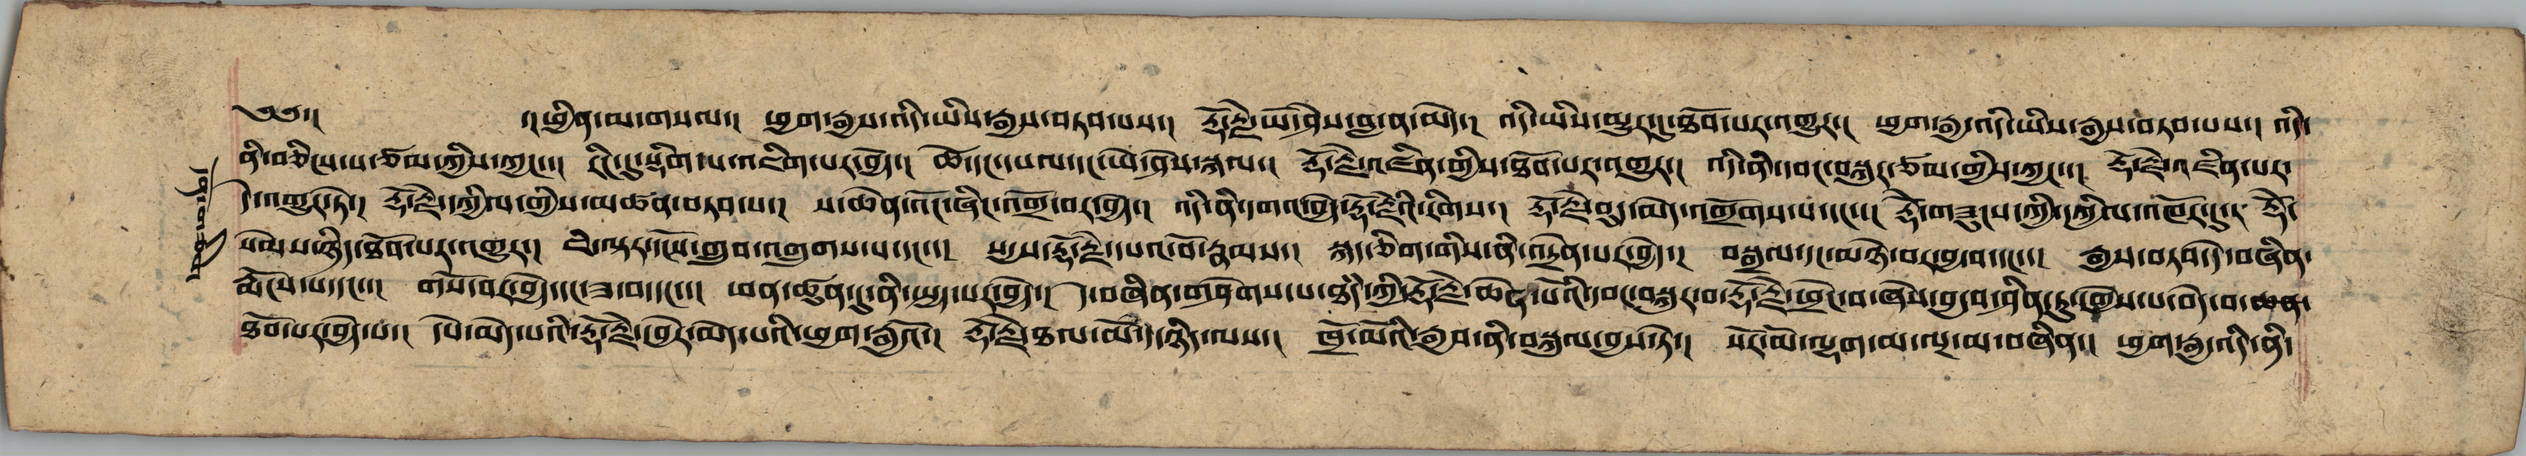༄༅་། ་།ཕྱིན་མ་གསལ་། ཕྱག་རྒྱས་འདི་ཡིས་རྒྱས་བཏབ་པས་། རྡོ་རྗེ་ཡེ་ཤེས་བླ་ན་མེད་། འདི་ཡིས་མྱུར་དུ་ཐོབ་པར་འགྱུར་། ཕྱག་རྒྱ་འདི་ཡིས་རྒྱས་བཏབ་པས་། འདི་
ནི་བཅིངས་པ་ཙམ་གྱིས་ཀྱང་་། རིང་དུ་སྡིག་པ་འཇིག་པར་བྱེད་། ཚེ་དང་དཔལ་དང་ཡེ་ཤེས་སྐལ་། རྡོ་རྗེ་འཛིན་གྱིས་ཐོབ་པར་འགྱུར་། འདི་ནི་དབང་བསྐུར་ཙམ་གྱིས་ཀྱང་་། རྡོ་རྗེ་འཛིན་པར་
དེ་འགྱུར་ཏེ་། རྡོ་རྗེ་དཀྱིལ་གྱིས་མཚན་བཏབ་པ་། ས་ཆེན་འོང་ཞིང་འགྲོ་བར་བྱེད་། འདི་ནི་དགའ་བྱེད་རྡོ་རྗེའི་རིགས་། རྡོ་རྗེ་བུད་མེད་འགྲོགས་པ་དང་་། རྡོེ་གཟུངས་ཀྱི་དཀྱིལ་འཁོར་དུ་། རྡོེ་
སེམས་ཉིད་ཐོབ་པར་འགྱུར་། ཇི་ལྟར་དངོས་གྲུབ་འགྲུགས་པ་དང་་། སདྱས་རྡོ་རྗེ་དཔའ་བོ་རྣམས་། སྐད་ཅིག་གིས་ནི་འདྲེན་པར་བྱེད་། བསྒྲལ་དང་མཉེ་བར་བྱ་བ་དང་་། རྒྱས་བཏབ་དེ་བཞིན་
རྨོངས་པ་དང་་། གསོ་བར་བྱེད་དང་ཟ་བ་དང་་། ཕན་ཚུན་དུ་ནི་སྤྱད་པར་བྱེད་། དེ་བཞིན་གཤེགས་པ་ཐཾད་ཀྱི་རྡོ་རྗེ་ཆེན་པོའི་དབང་བསྐུར་བ་རྡོ་རྗེ་ཕྲེང་བ་ཞེས་བྱ་བ་ཤིན་ཏུ་དགྱེས་པ་བདེ་བ་ཆན་
ཐོབ་པར་བྱེད་པ་། དསེ་མེད་པའི་རྡོ་རྗེ་དབྱེར་མེད་པའི་ཕྱག་རྒྱའོ་། རྡོ་རྗེ་ཐལ་མོ་དེ་ཉིད་ལས་། ཁྲོ་མོའི་རྒྱབ་ནི་བསྐུལ་བྱས་ཏེ་། སོར་མོ་ལྷག་མ་ལྔ་མ་བཞིན་། ཕྱག་རྒྱ་འདི་ནི་